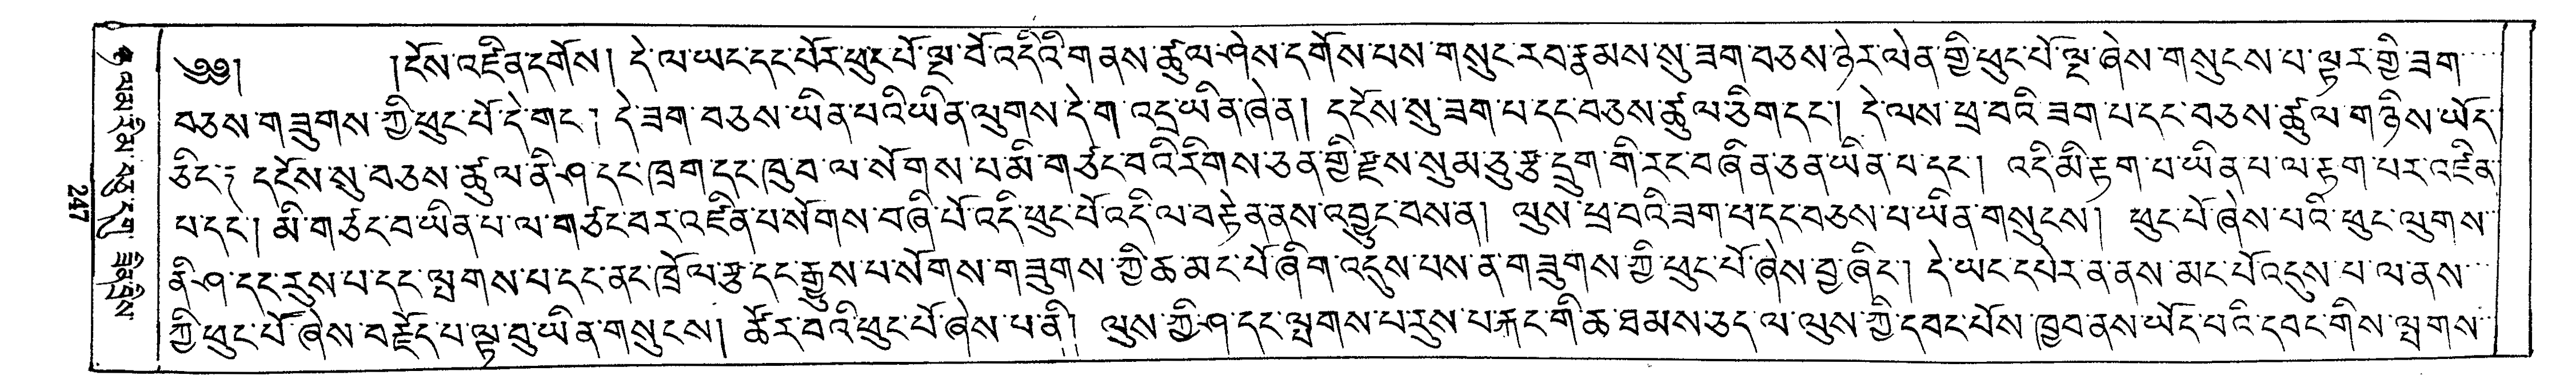༄༅། །ངོས་འཛིན་དགོས། དེ་ལ་ཡང་དང་པོར་ཕུང་པོ་ལྔ་པོ་འདིའི་གནས་ཚུལ་ཤེས་དགོས་པས་གསུང་རབ་རྣམས་སུ་ཟག་བཅས་ཉེར་ལེན་གྱི་ཕུང་པོ་ལྔ་ཞེས་གསུངས་པ་ལྟར་གྱི་ཟག་
བཅས་གཟུགས་ཀྱི་ཕུང་པོ་དེ་གང་། དེ་ཟག་བཅས་ཡིན་པའི་ཡིན་ལུགས་དེ་ག་འདྲ་ཡིན་ཞེ་ན། དངོས་སུ་ཟག་པ་དང་བཅས་ཚུལ་ཅིག་དང་། དེ་ལས་ཕྲ་བའི་ཟག་པ་དང་བཅས་ཚུལ་གཉིས་ཡོད་
ཅིང༑ དངོས་སུ་བཅས་ཚུལ་ནི་ཤ་དང་ཁྲག་དང་ཁུ་བ་ལ་སོགས་པ་མི་གཙང་བའི་རིགས་ཅན་གྱི་རྫས་སུམ་ཅུ་རྩ་དྲུག་གི་རང་བཞིན་ཅན་ཡིན་པ་དང་། འདི་མི་རྟག་པ་ཡིན་པ་ལ་རྟག་པར་འཛིན་
པ་དང་། མི་གཙང་བ་ཡིན་པ་ལ་གཙང་བར་འཛིན་པ་སོགས་བཞི་པོ་འདི་ཕུང་པོ་འདི་ལ་བརྟེན་ནས་འབྱུང་བས་ན། ལུས་ཕྲ་བའི་ཟག་པ་དང་བཅས་པ་ཡིན་གསུངས། ཕུང་པོ་ཞེས་པའི་ཕུང་ལུགས་
ནི་ཤ་དང་རུས་པ་དང་ལྤགས་པ་དང་ནང་ཁྲོལ་རྩ་དང་རྒྱུས་པ་སོགས་གཟུགས་ཀྱི་ཆ་མང་པོ་ཞིག་འདུས་བས་ན་གཟུགས་ཀྱི་ཕུང་པོ་ཞེས་བྱ་ཞིང་། དེ་ཡང་དཔེར་ན་ནས་མང་པོ་འདུས་པ་ལ་ནས་
ཀྱི་ཕུང་པོ་ཞེས་བརྗོད་པ་ལྟ་བུ་ཡིན་གསུངས། ཚོར་བའི་ཕུང་པོ་ཞེས་པ་ནི། ལུས་ཀྱི་ཤ་དང་ལྤགས་པ་རུས་པ་རྐང་གི་ཆ་ཐམས་ཅད་ལ་ལུས་ཀྱི་དབང་པོས་ཁྱབ་ནས་ཡོད་པའི་དབང་གིས་ལྤགས་